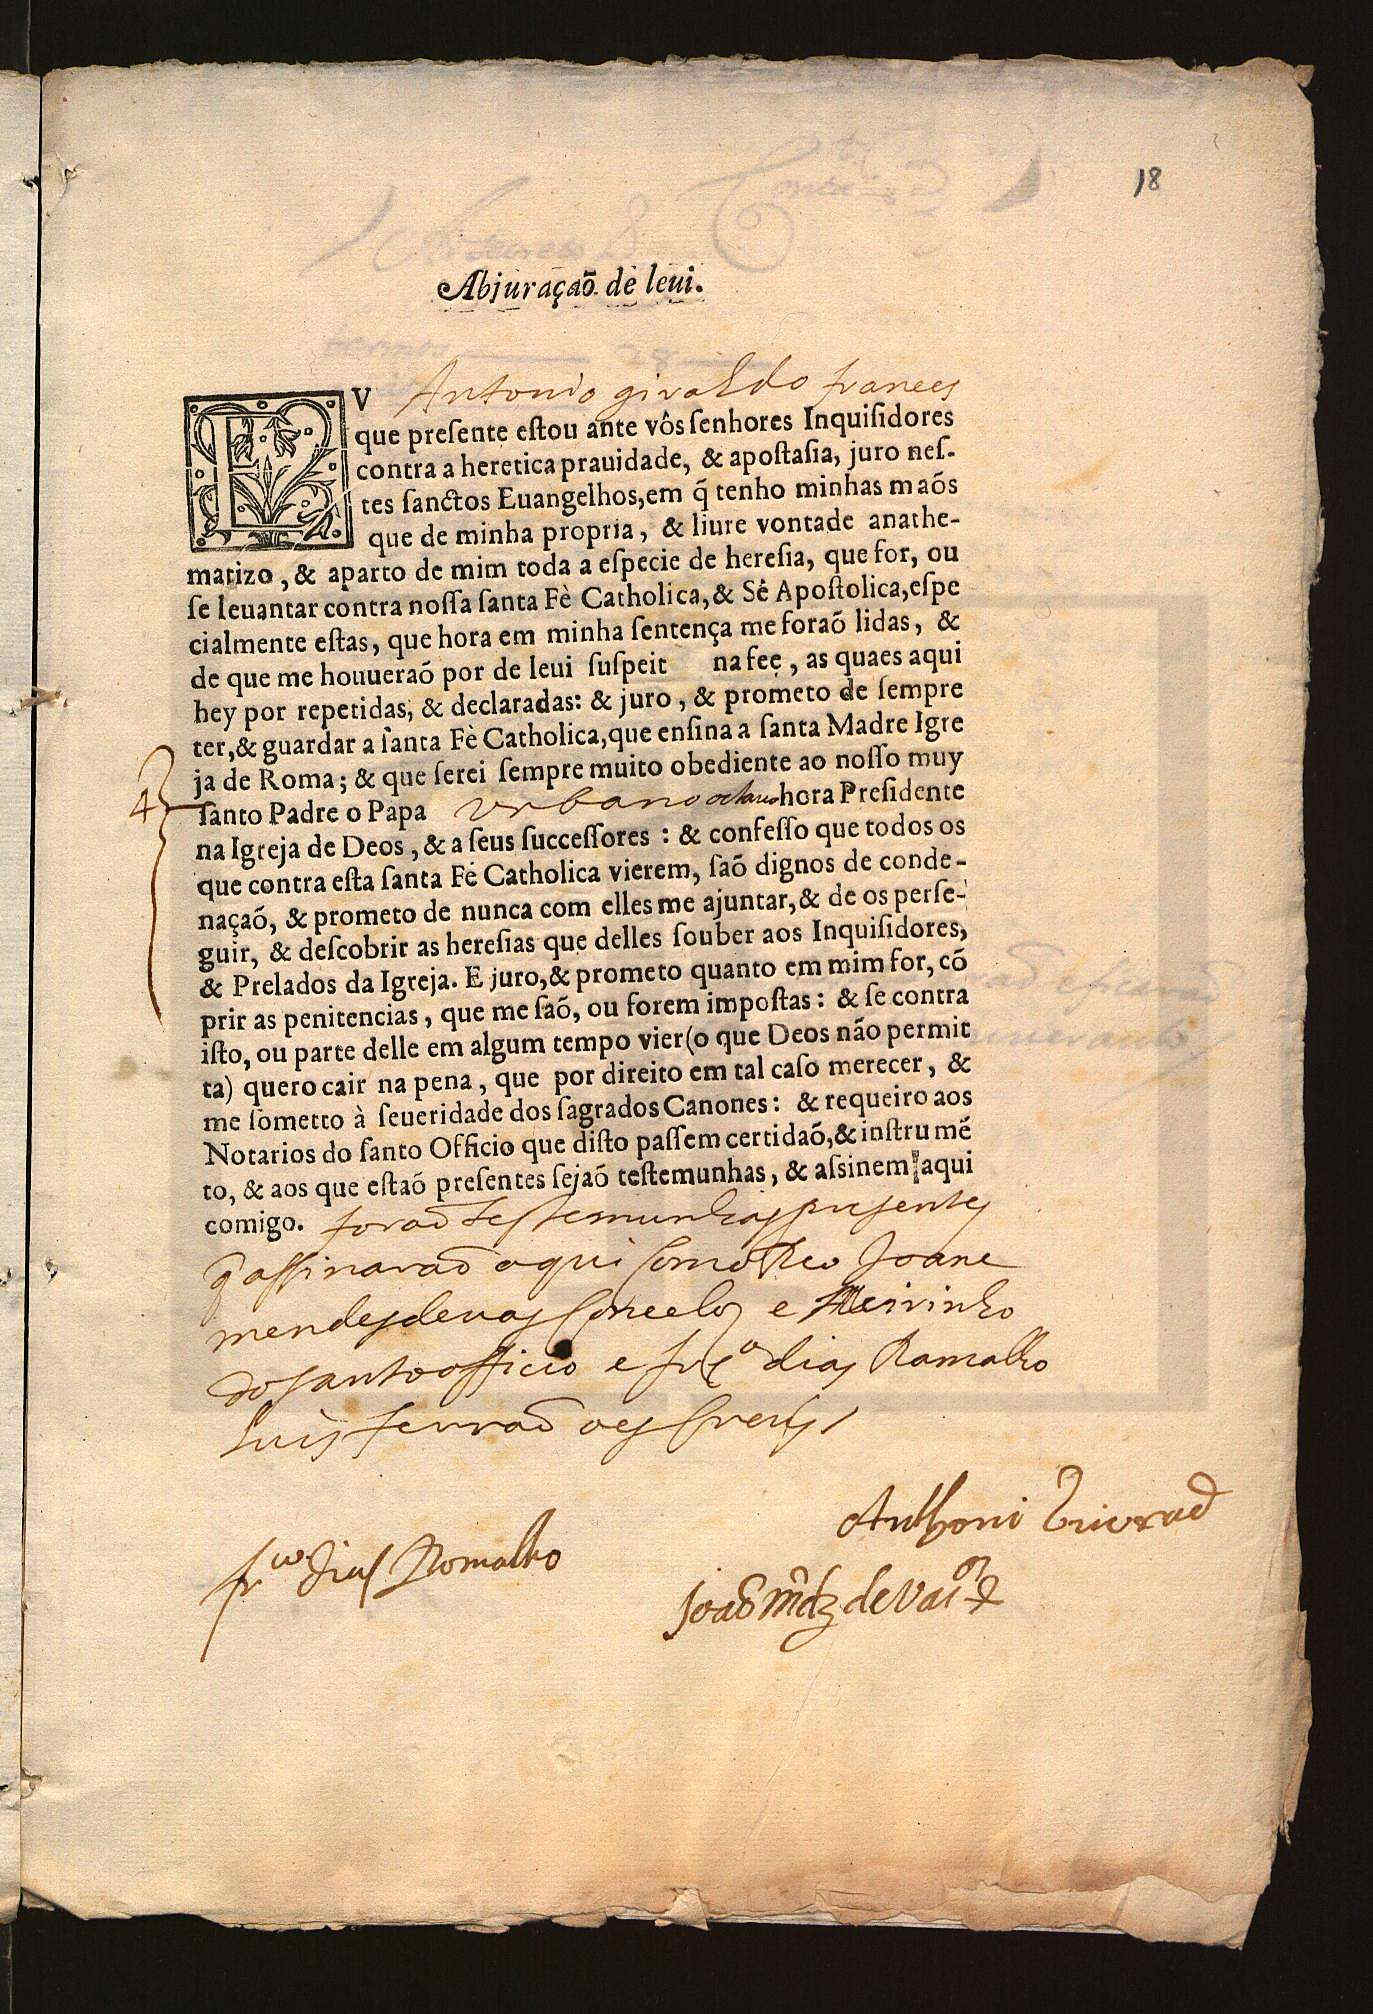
Abjuraçaõ de leui.
V Antonio giraldo frances
que presente estou ante vôs senhores Inquisidores
contra a heretica prauidade, & apostasia, juro nes
tes sanctos Euangelhos, em q̄ tenho minhas maõs
que de minha propria, & liure vontade anathe
matizo, & aparto de mim toda a especie de heresia, que for, ou
se leuantar contra nossa santa Fè Catholica, & Sé Apostolica, espe
cialmente estas, que hora em minha sentença me foraõ lidas, &
de que me houueraõ por de leui suspeit na fee, as quaes aqui
hey por repetidas, & declaradas: & juro, & prometo de sempre
ter, & guardar a santa Fè Catholica, que ensina a santa Madre Igre
ja de Roma; & que serei sempre muito obediente ao nosso muy
santo Padre o Papa Vrbano octauo hora Presidente
na Igreja de Deos, & a seus successores: & confesso que todos os
que contra esta santa Fè Catholica vierem, saõ dignos de conde
naçaõ, & prometo de nunca com elles me ajuntar, & de os perse
guir, & descobrir as heresias que delles souber aos Inquisidores,
& Prelados da Igreja. E juro, & prometo quanto em mim for, cō
prir as penitencias, que me saõ, ou forem impostas: & se contra
isto, ou parte delle em algum tempo vier (o que Deos não permit
ta) quero cair na pena, que por direito em tal caso merecer, &
me sometto à seueridade dos sagrados Canones: & requeiro aos
Notarios do santo Officio que disto passem certidaõ, & instrumē
to, & aos que estaõ presentes sejaõ testemunhas, & assinem aqui
comigo. foraõ testemunhas presentes
q̄ assinaraõ aqui Com o Reo Joane
mendes de uasConcelos e Meirinho
do santo officio e frco dias Ramalho
Luis ferraõ o esCreuj /
Anthoni Guirad
frco dias Romalho
João m̄dz de Vasos
